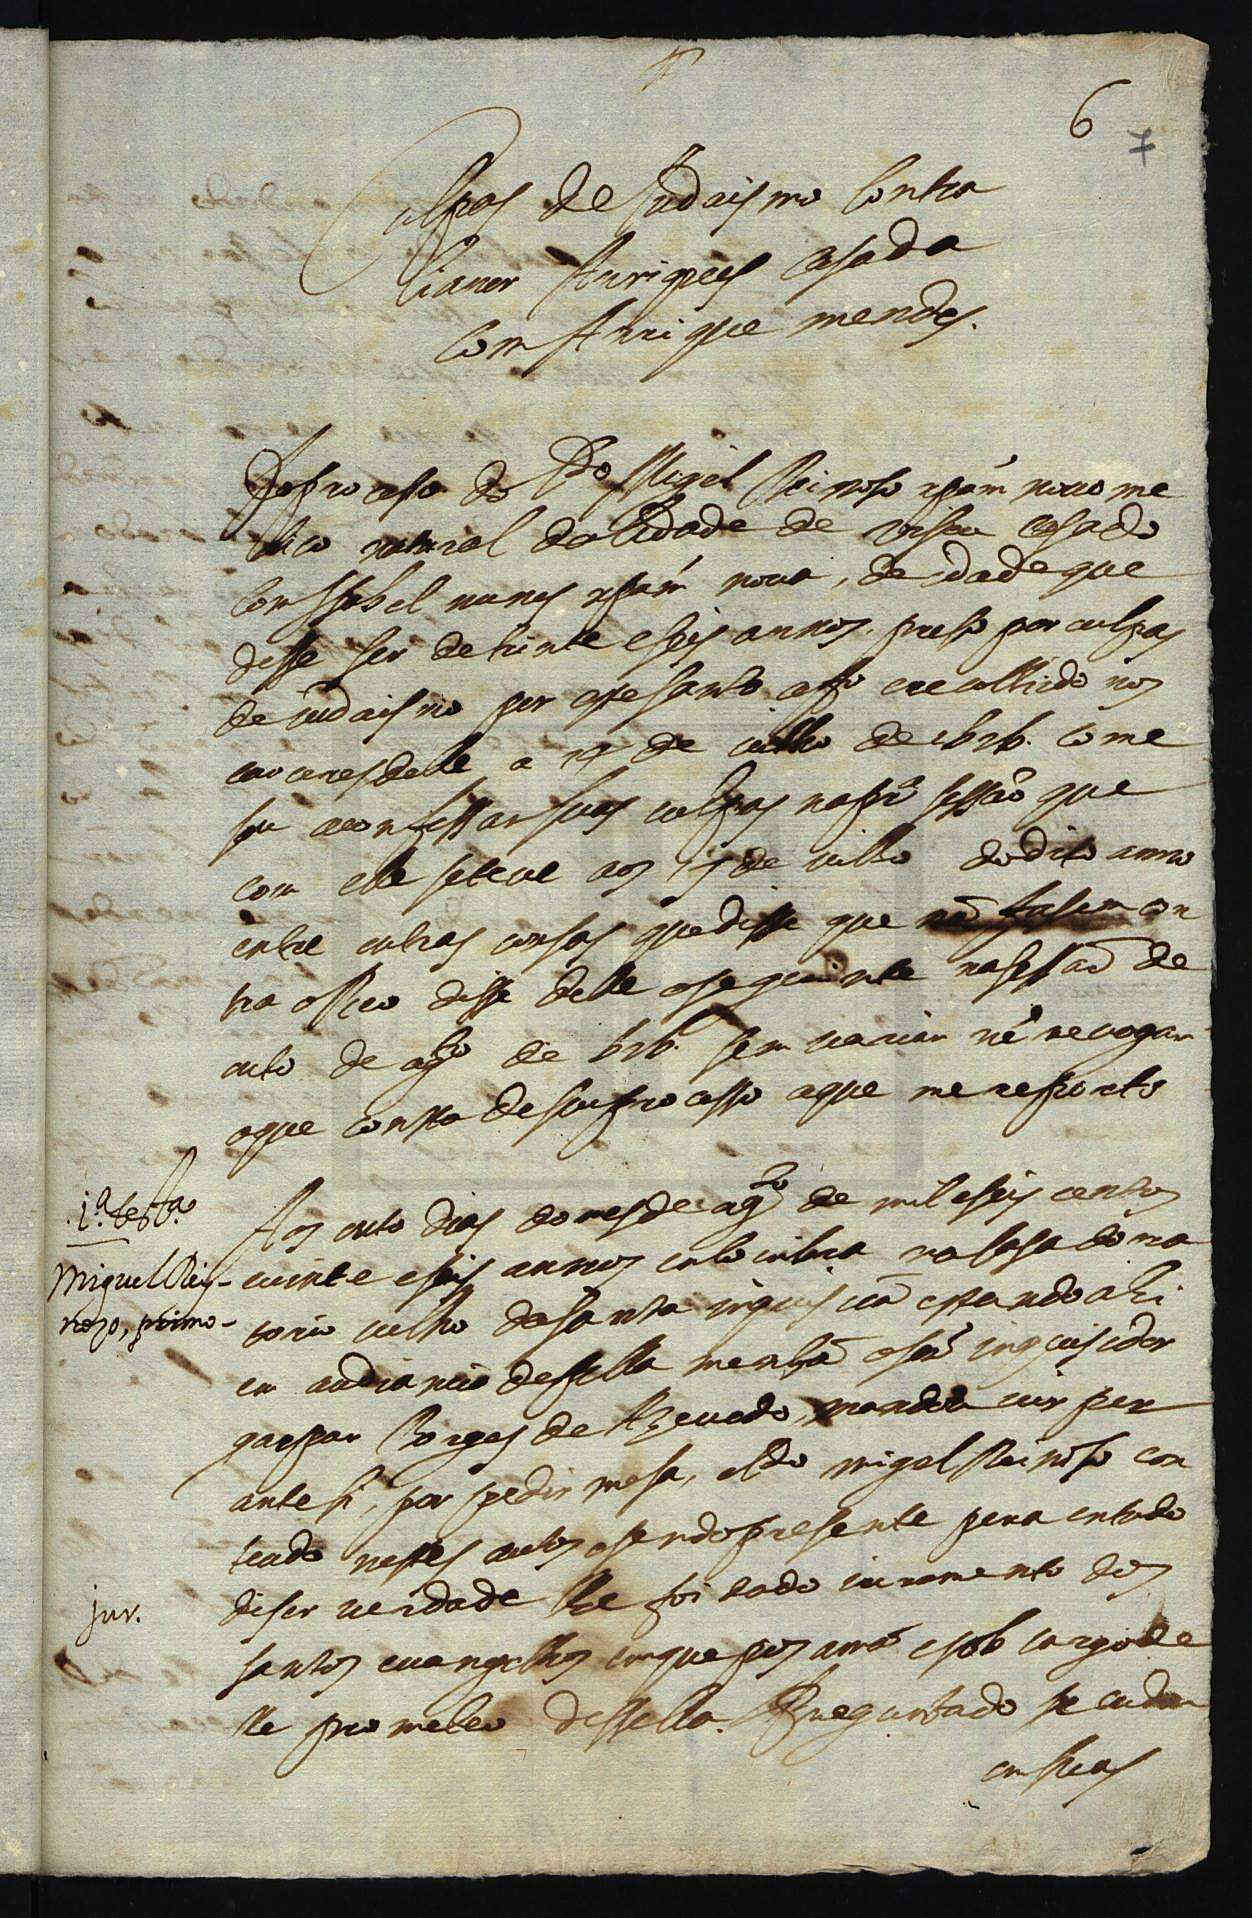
Culpas de Judaismo Contra
lianor Anriques casada
com Anrique mendes.
Do proceso do ldo Migel Reinoso xpam̄ nouo me
dico natural da Cidade de viseu casado
Com Jsabel nunes xpam̄ noua, de idade que
disse ser de trinte e seis annos preso por culpas
de iudaisno per este santo offo e recolhido nos
carceres delle a 14 de iulho de 1626. come
sou a confessar suas culpas na pra sessaõ que
com elle se teue aos 17 de iulho do dito anno
entre outras cousas que disse que nā fasem con
tra o Reo disse delle o seguinte na sessaõ de
auto de agto de 626. sem uariar nē reuogar
o que consta de seu processo a que me reporto
Aos outo dias do mes de agto de mil e seiscentos
i.a testa.
miguel Rey
nozo, primo.
e uinte e seis annos en Coimbra na Casa do ora
torio uelho da santa inquisiçā estando ahi
em audiancio de pella menhã o sor̄ inquisidor
gaspar Borges de Azeuedo, mandou uir per
ante si, por pedir mesa, o ldo migel Reinoso con
teudo nestes autos e sendo presente pera en tudo
diser uerdade lhe foi dado iuramento dos
jur.
santos euangelhos em que pos a maõ e sob cargo de
lle prometeo dessella. Preguntado se cudou
em suas
